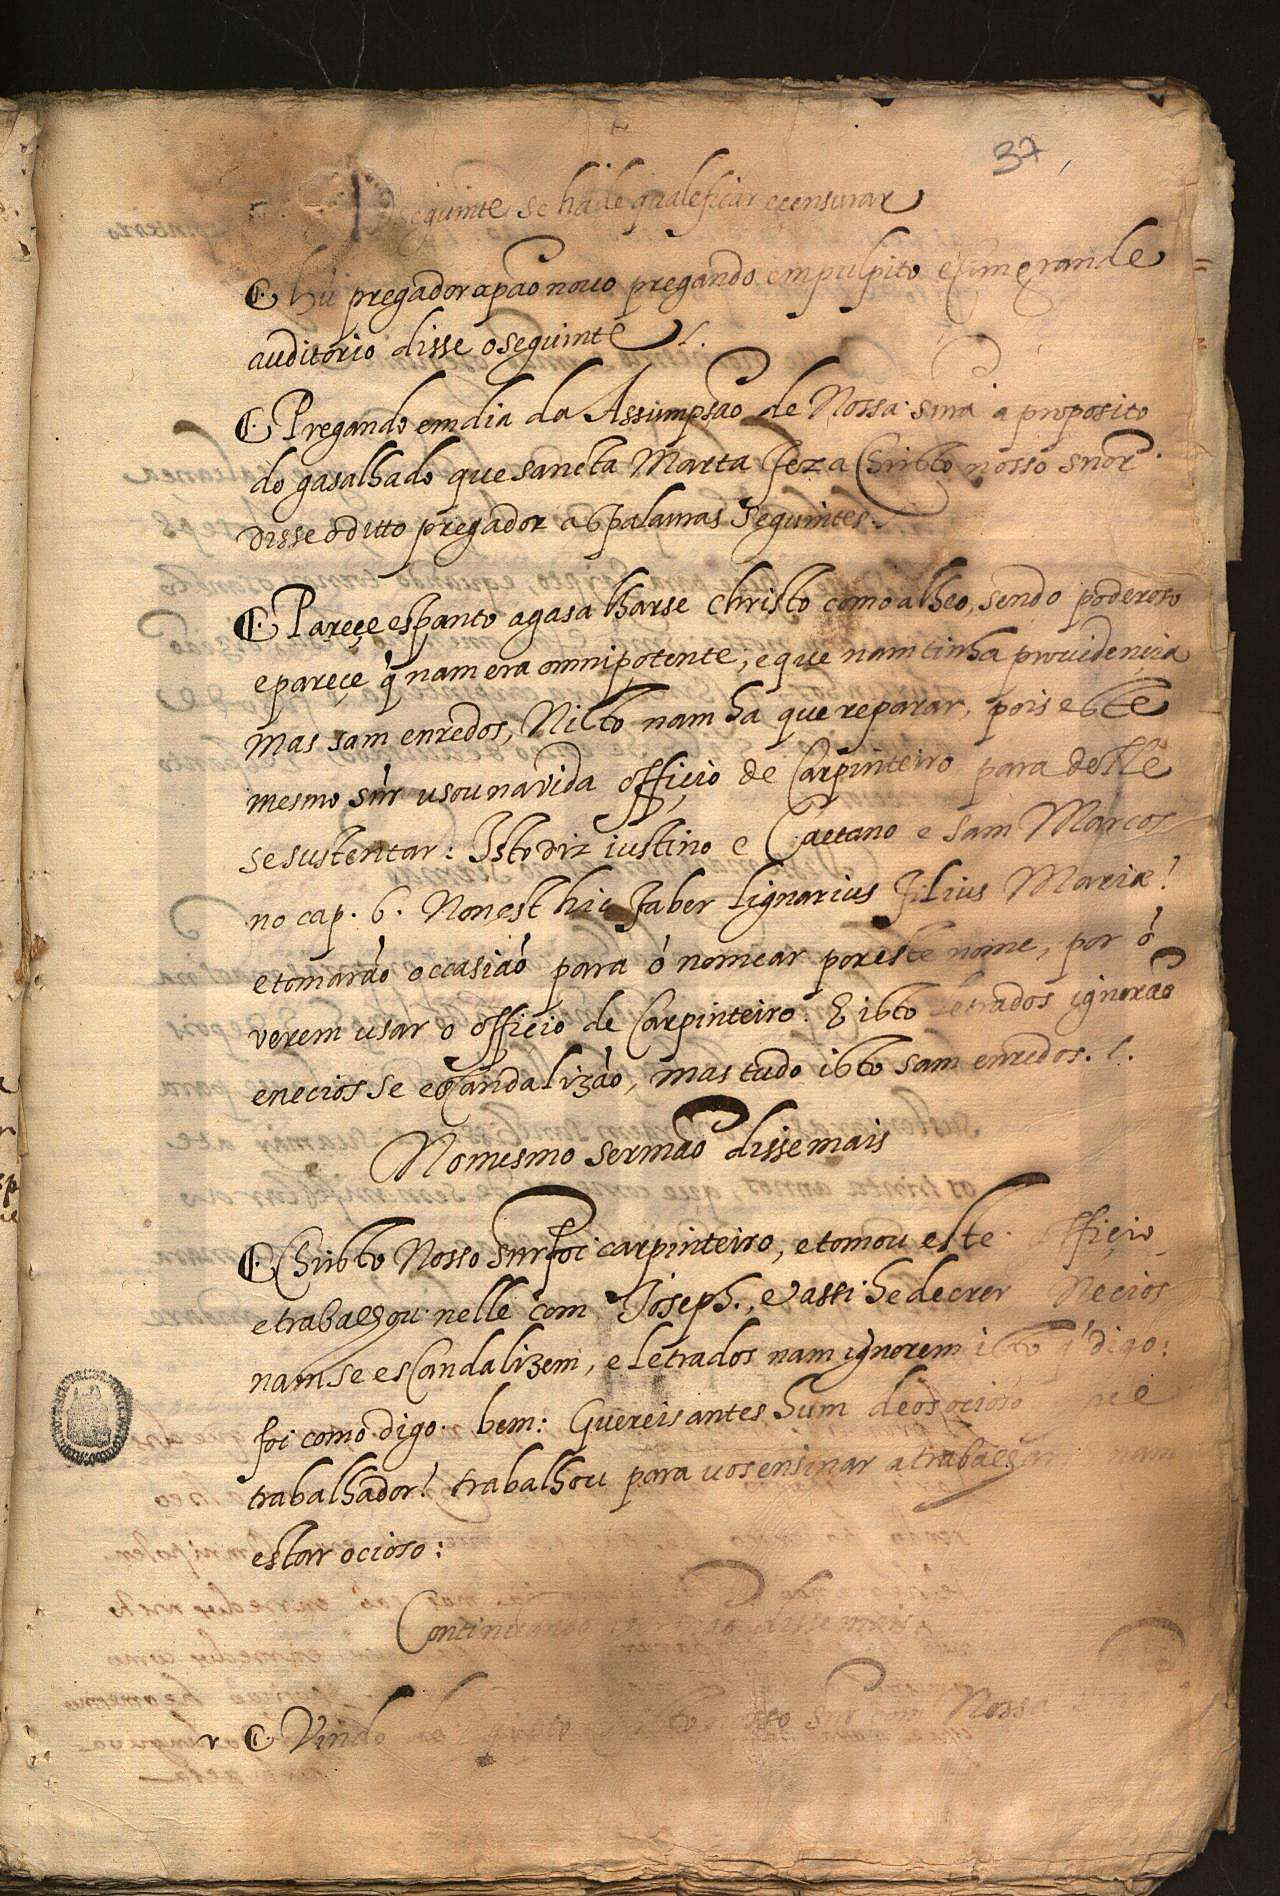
seguinte se ha de qualeficar e censurar
⁋ hū pregador xpão nouo pregando em pulpito e Com grande
auditorio disse o seguinte /.
⁋ Pregando em dia da Assumpsão de Nossa sn̄ra a proposito
do gasalhado que sancta marta fez a Christo nosso snōr
disse o ditto pregador as palauras seguintes. /
⁋ Parece espanto agasalharse christo como alheo, sendo poderoso
e parece q̄ nam era omnipotente; e que nam tinha prouidencia
mas sam enredos, Nisto nam ha que reparar, pois este
mesmo sn̄r usou na vida officio de Carpinteiro para delle
se sustentar: Isto diz iustino e Caetano e sam Marcos
no cap. 6. non est hic faber lignarius filius Mariæ?
e tomarão occasiaõ para o nomear por este nome, por o
verem usar o officio de Carpinteiro. E isto letrados ignorão
e necios se escandalizão, mas tudo isto sam enredos. /.
No mesmo sermão disse mais
⁋ Christo Nosso sn̄r foi carpinteiro, e tomou este officio,
e trabalhou nelle com Ioseph e assi he de crer necios
nam se escandalizem, e letrados nam ignorem isto q̄ digo:
foi como digo bem: Quereis antes hum deos ocioso que
trabalhador? trabalhou para uos ensinar a trabalhar e nam
estar ocioso:
Continuando _ disse mais
item ⁋ Vindo d_ _ cristo nosso sn̄r com Nossa sn̄ra
